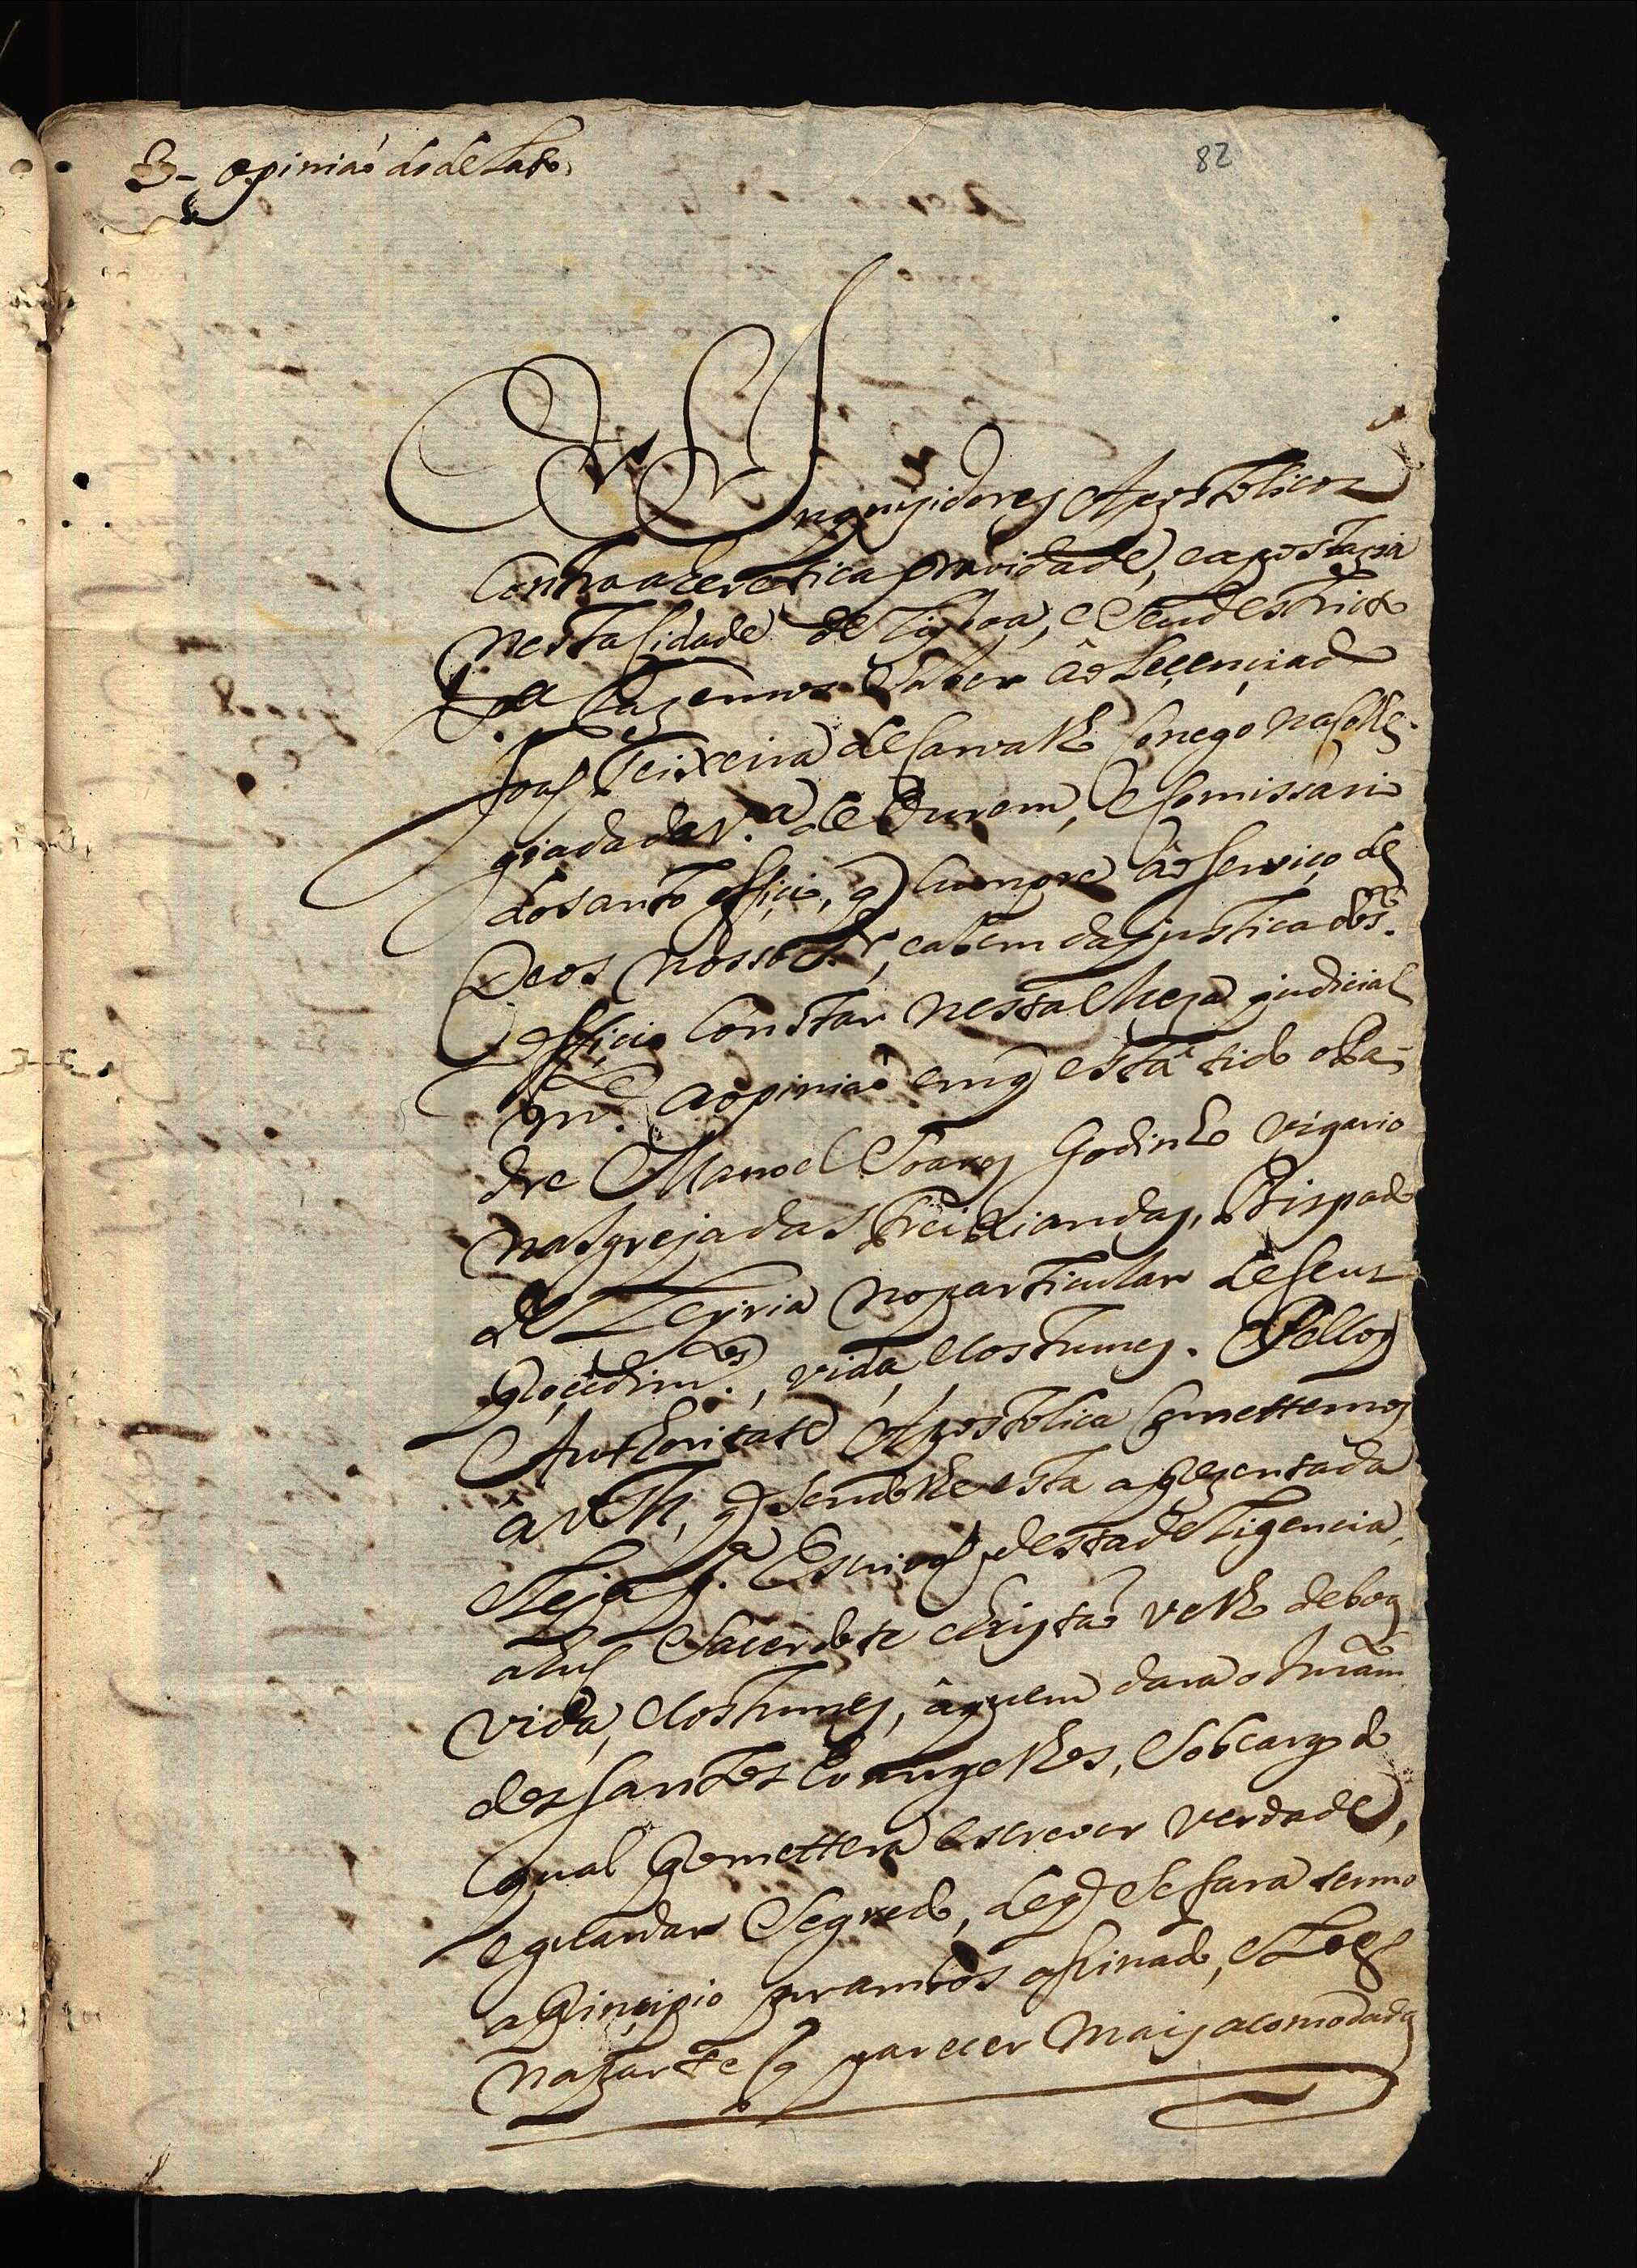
3- opinião do deLato.
OS Inquisidores Apostolicoz
Contra a heretica pravidade, e apostazia
nesta Cidade de Lisboa, e seu destricto
&a fazemos Saber ao Lecenciado
Joaõ Teixeira de Carvalho Conego na Colle
giada da V.a de Ourem, e Comissario
do santo officio, q̄ Cumpre ao serviço de
Deos nosso s.r, e a bem da justiça do s.to
officio Constar nesta Meza judicial
m.te a opiniaõ em q̄ está tido o Pa
dre Manoel Soares Godinho Vigario
na Igreja das Freixiandas, Bispado
de Leyria no particular de seus
pRocedim.tos vida e costumes. Pello q̄
Authoritate Apostolica Comettemos
a v M, q̄ sendolhe esta aprezentada
eLeja p.a Escrivaõ desta deligencia,
a hū Sacerdote christaõ velho de boa
vida e costumes, a quem dara o Iuram.to
dos Santos Evangelhos, Sob cargo do
qual pRomettera escrever verdade,
e guardar Segredo, de q̄ Se fara termo
a pRincipio por ambos assinado, e Logo
na parte q̄ parecer mais acomodada
